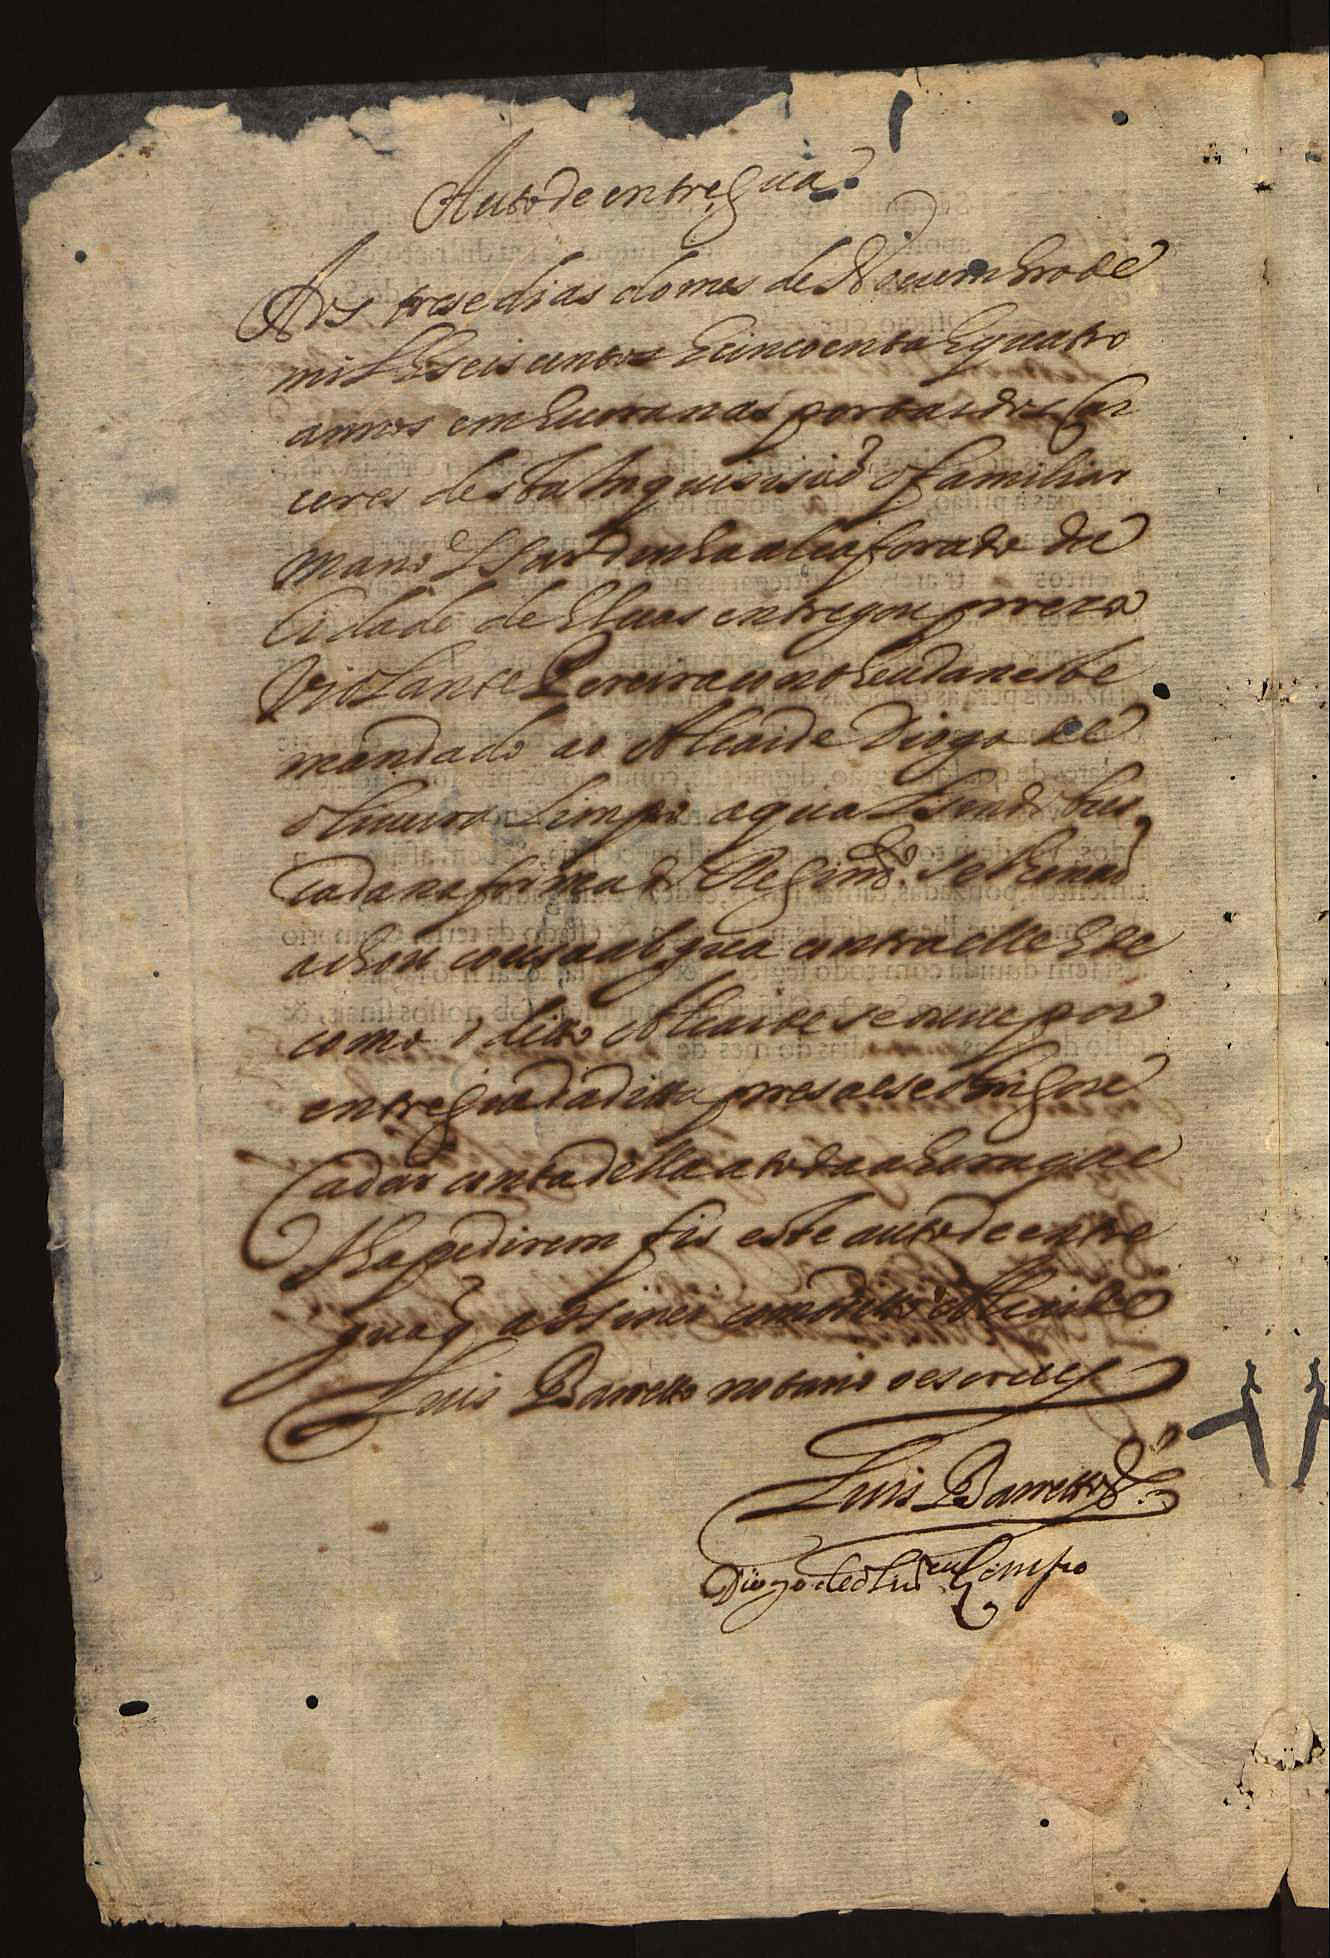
Auto de entregua
Aos trese dias do mes de Nouembro de
mil E seiscentos E cincoenta E quatro
annos em Euora nas portas dos Car
ceres desta Inquisiçaõ o familiar
Manoel Sardinha alcaforado da
Cidade de Eluas entregou preza
Violante Pereira contheuda neste
mandado ao Alcaide Diogo de
Oliueira Limpo a qual sendo bus
cada na forma do Regim.to, se lhe naõ
achou cousa algua contra elle E de
como o ditto Alcaide se ouue por
entregue da ditta presa e se obrigou
a dar conta della a toda a hora que
lha pedirem fis este auto de entre
gua q̄ assinei com o ditto Alcaide
Luis Barretto notario o escreuj
Luis Barretto
Diogo de Oliu.ra Limpo
